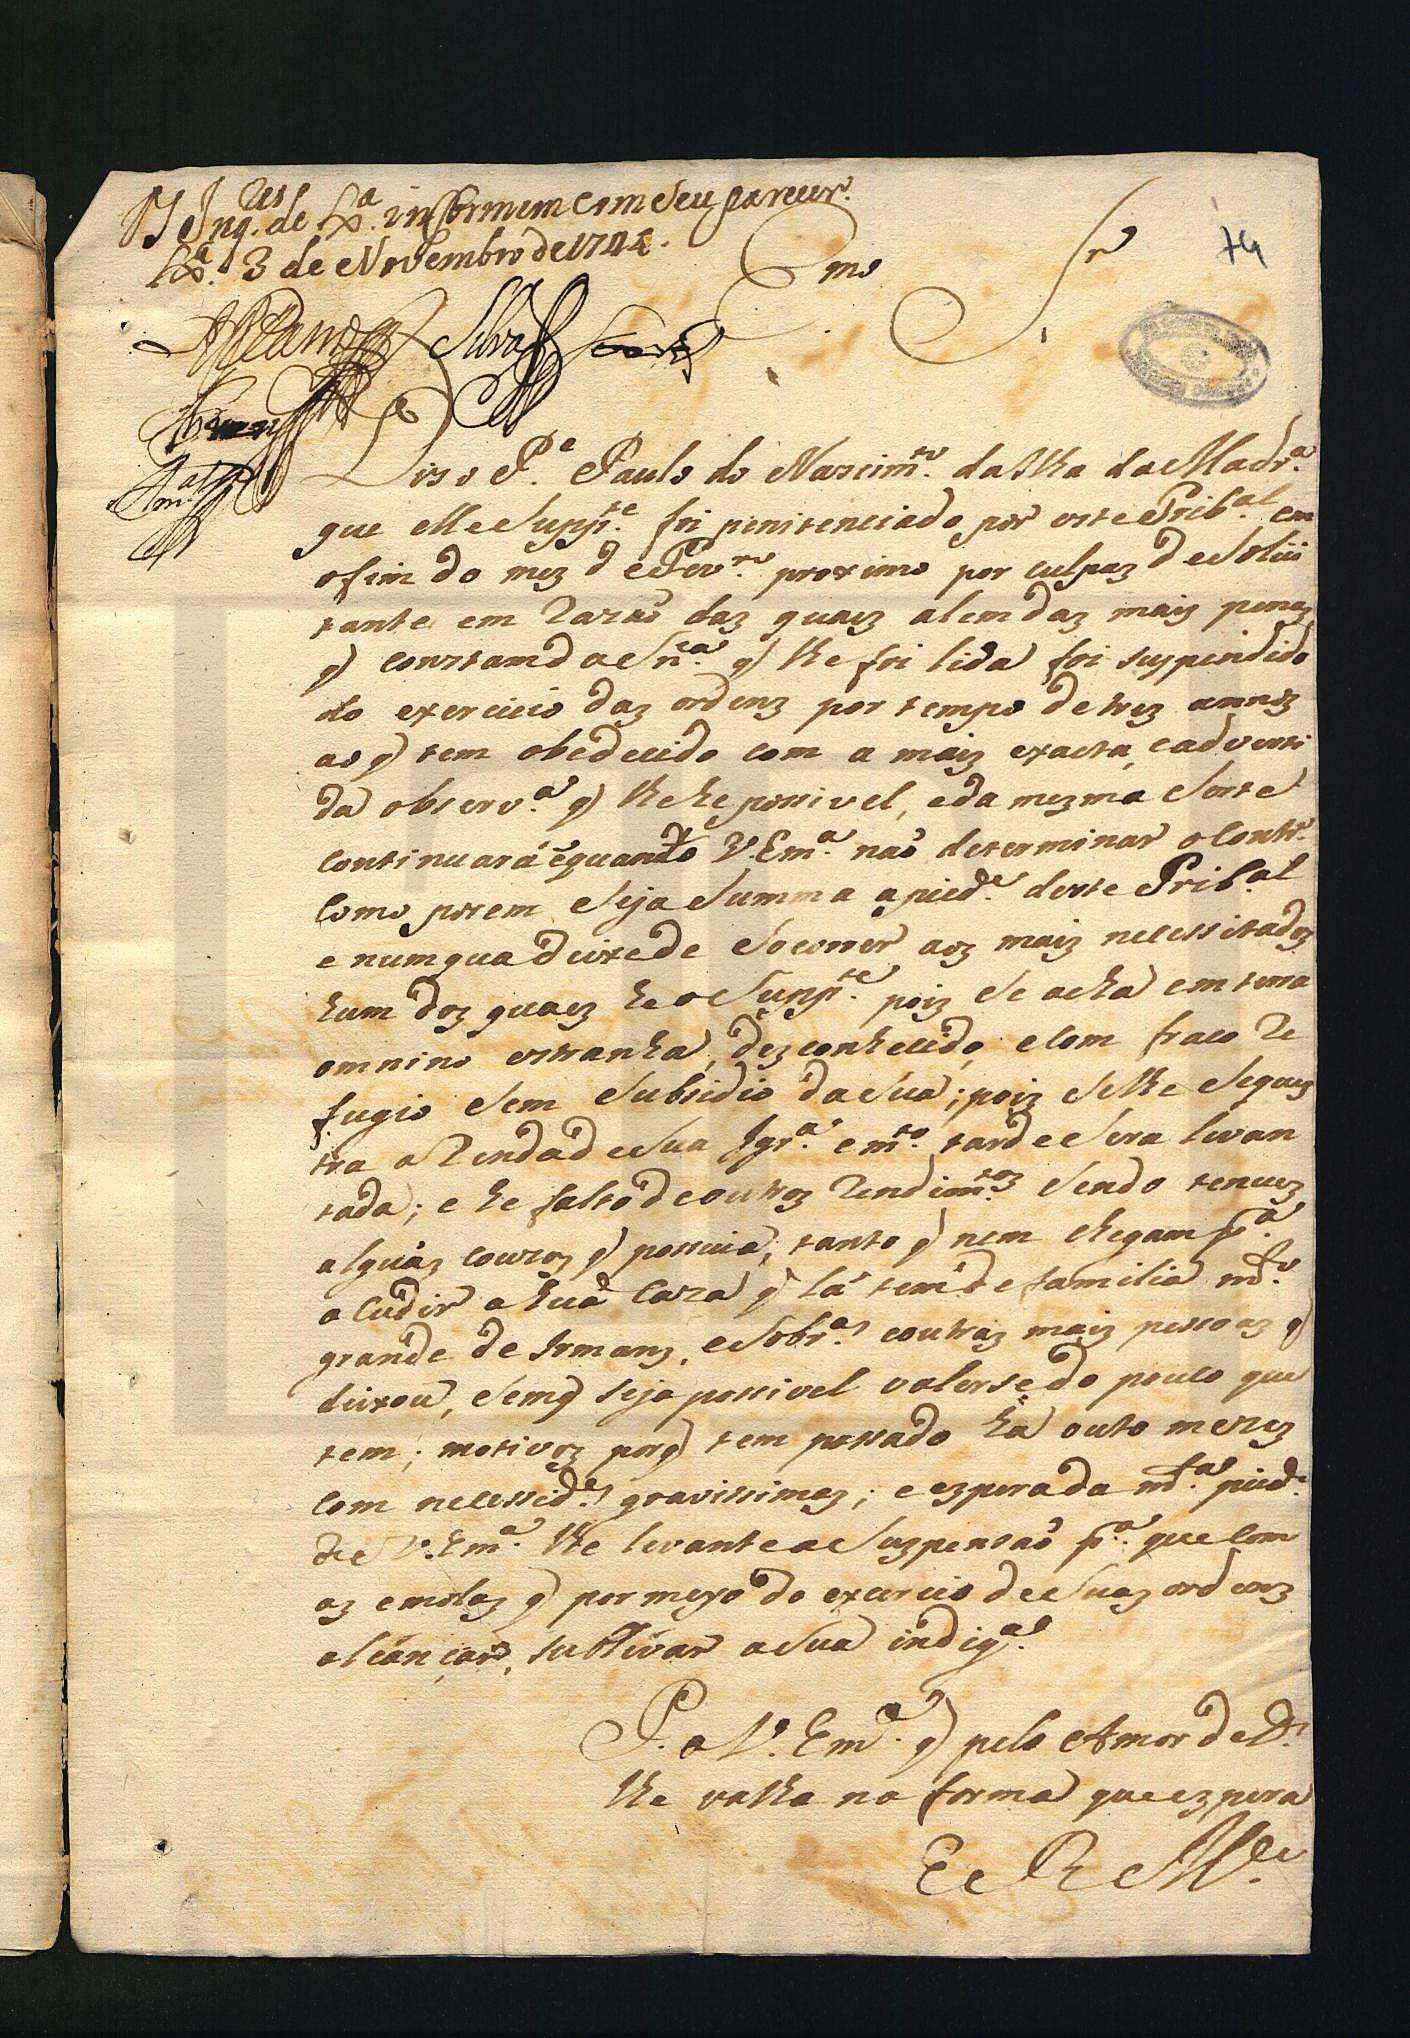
OS Inq.res de lx.a informem com seu parecer.
lx.a 3 de Novembro de 1744.
lant̄e Silva Soares
Abreu
Am.al
E.mo S.r
Dis o P.e Paulo do Nascim.to da Ilha da Madr.a
que elle supp.te foi penitenciado por este Trib.al em
o fim do mez de Fev.ro proximo por culpaz de solici
tante em Razaõ daz quaiz alem daz maiz penaz
q̄ constam da sn.ça q̄ lhe foi lida foi suspendido
do exercicio daz ordenz por tempo de trez annoz
ao q̄ tem obedecido com a maiz exacta, e adverti
da observ.a q̄ lhe he possivel, e da mezma sorte
continuará ēquanto V. Em.a naõ determinar o contr.o
como porem seja summa a pied.e deste Trib.al
e numqua deixe de socorrer aoz maiz necessitadoz
hum doz quaez he o supp.te poiz se acha em terra
omnino estranha, dezconhecido, e com fraco Re
fugio sem subsidio da sua; poiz selhe sequez
tra aRenda de sua Jgr.a e m.to tarde sera levan
tada; e he falto de outroz Rendim.toz sendo tenuez
alguāz couzaz q̄ possuia, tanto q̄ nem chegam pa.
acudir a huā caza q̄ lá tem de familia m.to
grande de Irmanz, e sobr.as e outraz maiz pessoaz q̄
deixou, sem q̄ seja possivel valerse do pouco que
tem; motivoz porq̄ tem passado ha outo mezez
com necessid.ez gravissimaz; e ezpera da m.ta pied.e
de V. Em.a lhe levante a suzpensaõ p.a que com
az emolaz q̄ por meyo do excercio de suaz ordenz
alcançar, sublevar a sua indiga.
P. a V. Em.a q̄ pelo Amor de D.s
lhe valha na forma que ezpera
E R M.ce
